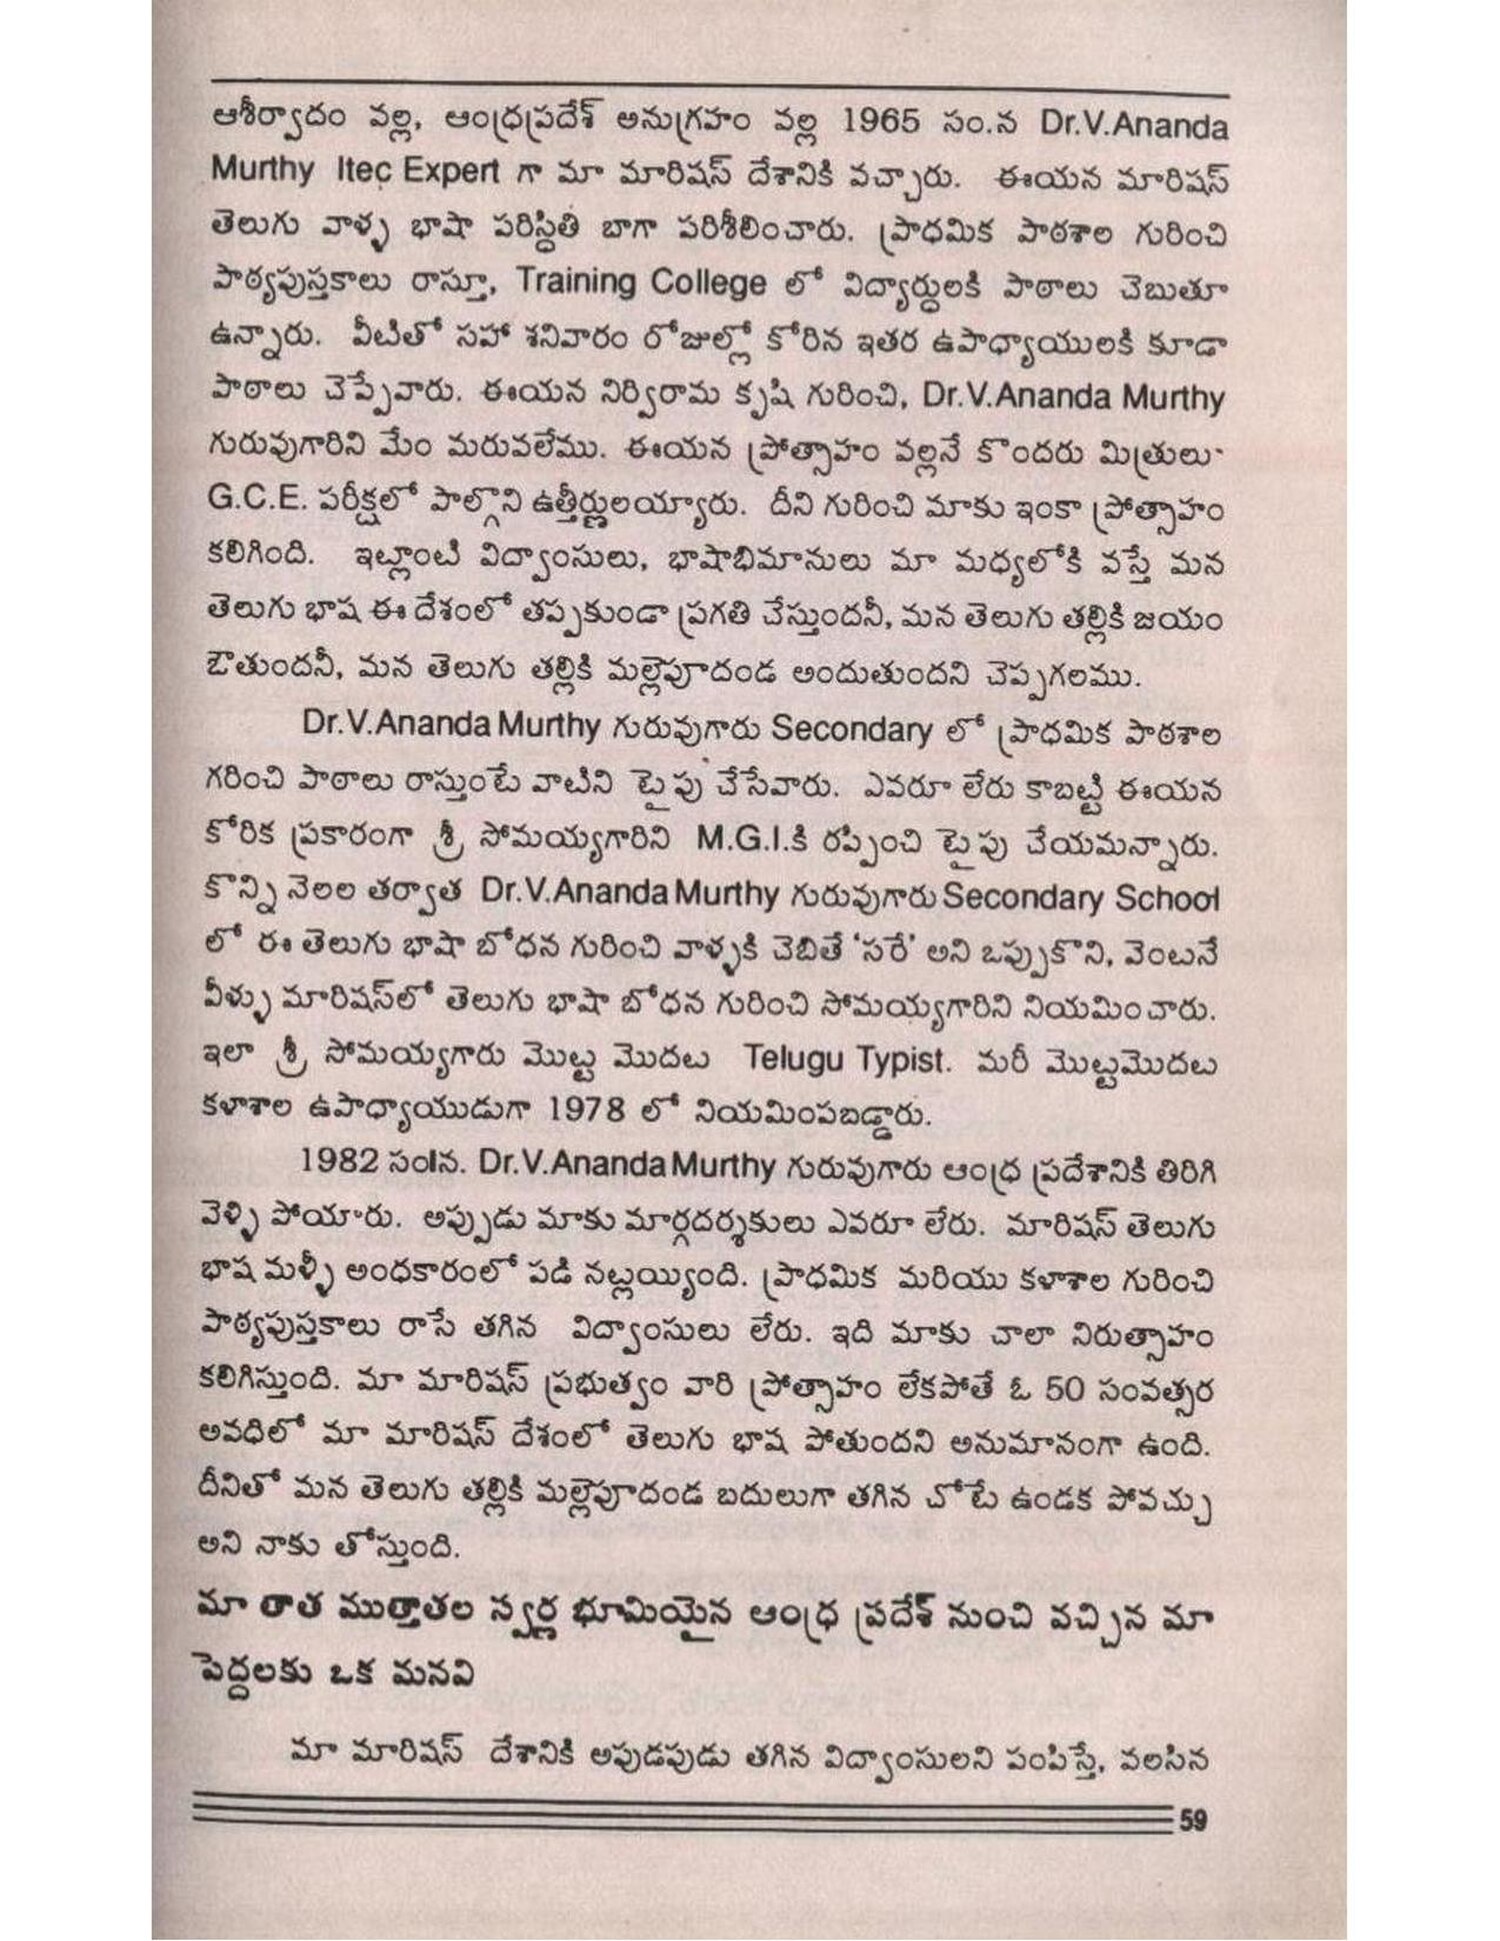ఆశీర్వాదం వల్ల, ఆంధ్రప్రదేశ్ అనుగ్రహం వల్ల 1965 సం.న Dr.V.Ananda Murthy Itec Expert గా మా మారిషస్ దేశానికి వచ్చారు. ఈయన మారిషస్ తెలుగు వాళ్ళ భాషా పరిస్థితి బాగా పరిశీలించారు. ప్రాధమిక పాఠశాల గురించి పాఠ్యపుస్తకాలు రాస్తూ, Training College లో విద్యార్ధులకి పాఠాలు చెబుతూ ఉన్నారు. వీటితో సహా శనివారం రోజుల్లో కోరిన ఇతర ఉపాధ్యాయులకి కూడా పాఠాలు చెప్పేవారు. ఈయన నిర్విరామ కృషి గురించి, Dr.V.Ananda Murthy గురువుగారిని మేం మరువలేము. ఈయన ప్రోత్సాహం వల్లనే కొందరు మిత్రులు G.C.E. పరీక్షలో పాల్గొని ఉత్తీర్ణులయ్యారు. దీని గురించి మాకు ఇంకా ప్రోత్సాహం కలిగింది. ఇట్లాంటి విద్వాంసులు, భాషాభిమానులు మా మధ్యలోకి వస్తే మన తెలుగు భాష ఈ దేశంలో తప్పకుండా ప్రగతి చేస్తుందనీ, మన తెలుగు తల్లికి జయం ఔతుందనీ, మన తెలుగు తల్లికి మల్లెపూదండ అందుతుందని చెప్పగలము.

Dr.V.Ananda Murthy గురువుగారు Secondary లో ప్రాధమిక పాఠశాల గురించి పాఠాలు రాస్తుంటే వాటిని టైపు చేసేవారు. ఎవరూ లేరు కాబట్టి ఈయన కోరిక ప్రకారంగా శ్రీ సోమయ్యగారిని M.G.I.కి రప్పించి టైపు చేయమన్నారు. కొన్ని నెలల తర్వాత Dr.V.Ananda Murthy గురువుగారు Secondary School లో ఈ తెలుగు భాషా బోధన గురించి వాళ్ళకి చెబితే 'సరే' అని ఒప్పుకొని, వెంటనే వీళ్ళు మారిషన్ లో తెలుగు భాషా బోధన గురించి సోమయ్యగారిని నియమించారు. ఇలా శ్రీ సోమయ్యగారు మొట్ట మొదట Telugu Typist. మరీ మొట్టమొదలు కళాశాల ఉపాధ్యాయుడుగా 1978 లో నియమింపబడ్డారు.

1982 సం॥ న. Dr.V.AnandaMurthy గురువుగారు ఆంధ్ర ప్రదేశానికి తిరిగి వెళ్ళి పోయారు. అప్పుడు మాకు మార్గదర్శకులు ఎవరూ లేరు. మారిషన్ తెలుగు భాష మళ్ళీ అంధకారంలో పడి నట్లయ్యింది. ప్రాధమిక మరియు కళాశాల గురించి పాఠ్యపుస్తకాలు రాసే తగిన విద్వాంసులు లేరు. ఇది మాకు చాలా నిరుత్సాహం కలిగిస్తుంది. మా మారిషస్ ప్రభుత్వం వారి ప్రోత్సాహం లేకపోతే ఓ 50 సంవత్సర అవధిలో మా మారిషస్ దేశంలో తెలుగు భాష పోతుందని అనుమానంగా ఉంది. దీనితో మన తెలుగు తల్లికి మల్లెపూదండ బదులుగా తగిన చోట ఉండక పోవచ్చు అని నాకు తోస్తుంది.

మా తాత ముత్తాతల స్వర్ణ భూమియైన ఆంధ్ర ప్రదేశ్ నుంచి వచ్చిన మా పెద్దలకు ఒక మనవి

మా మారిషస్ దేశానికి అపుడపుడు తగిన విద్వాంసులని పంపిస్తే, వలసిన